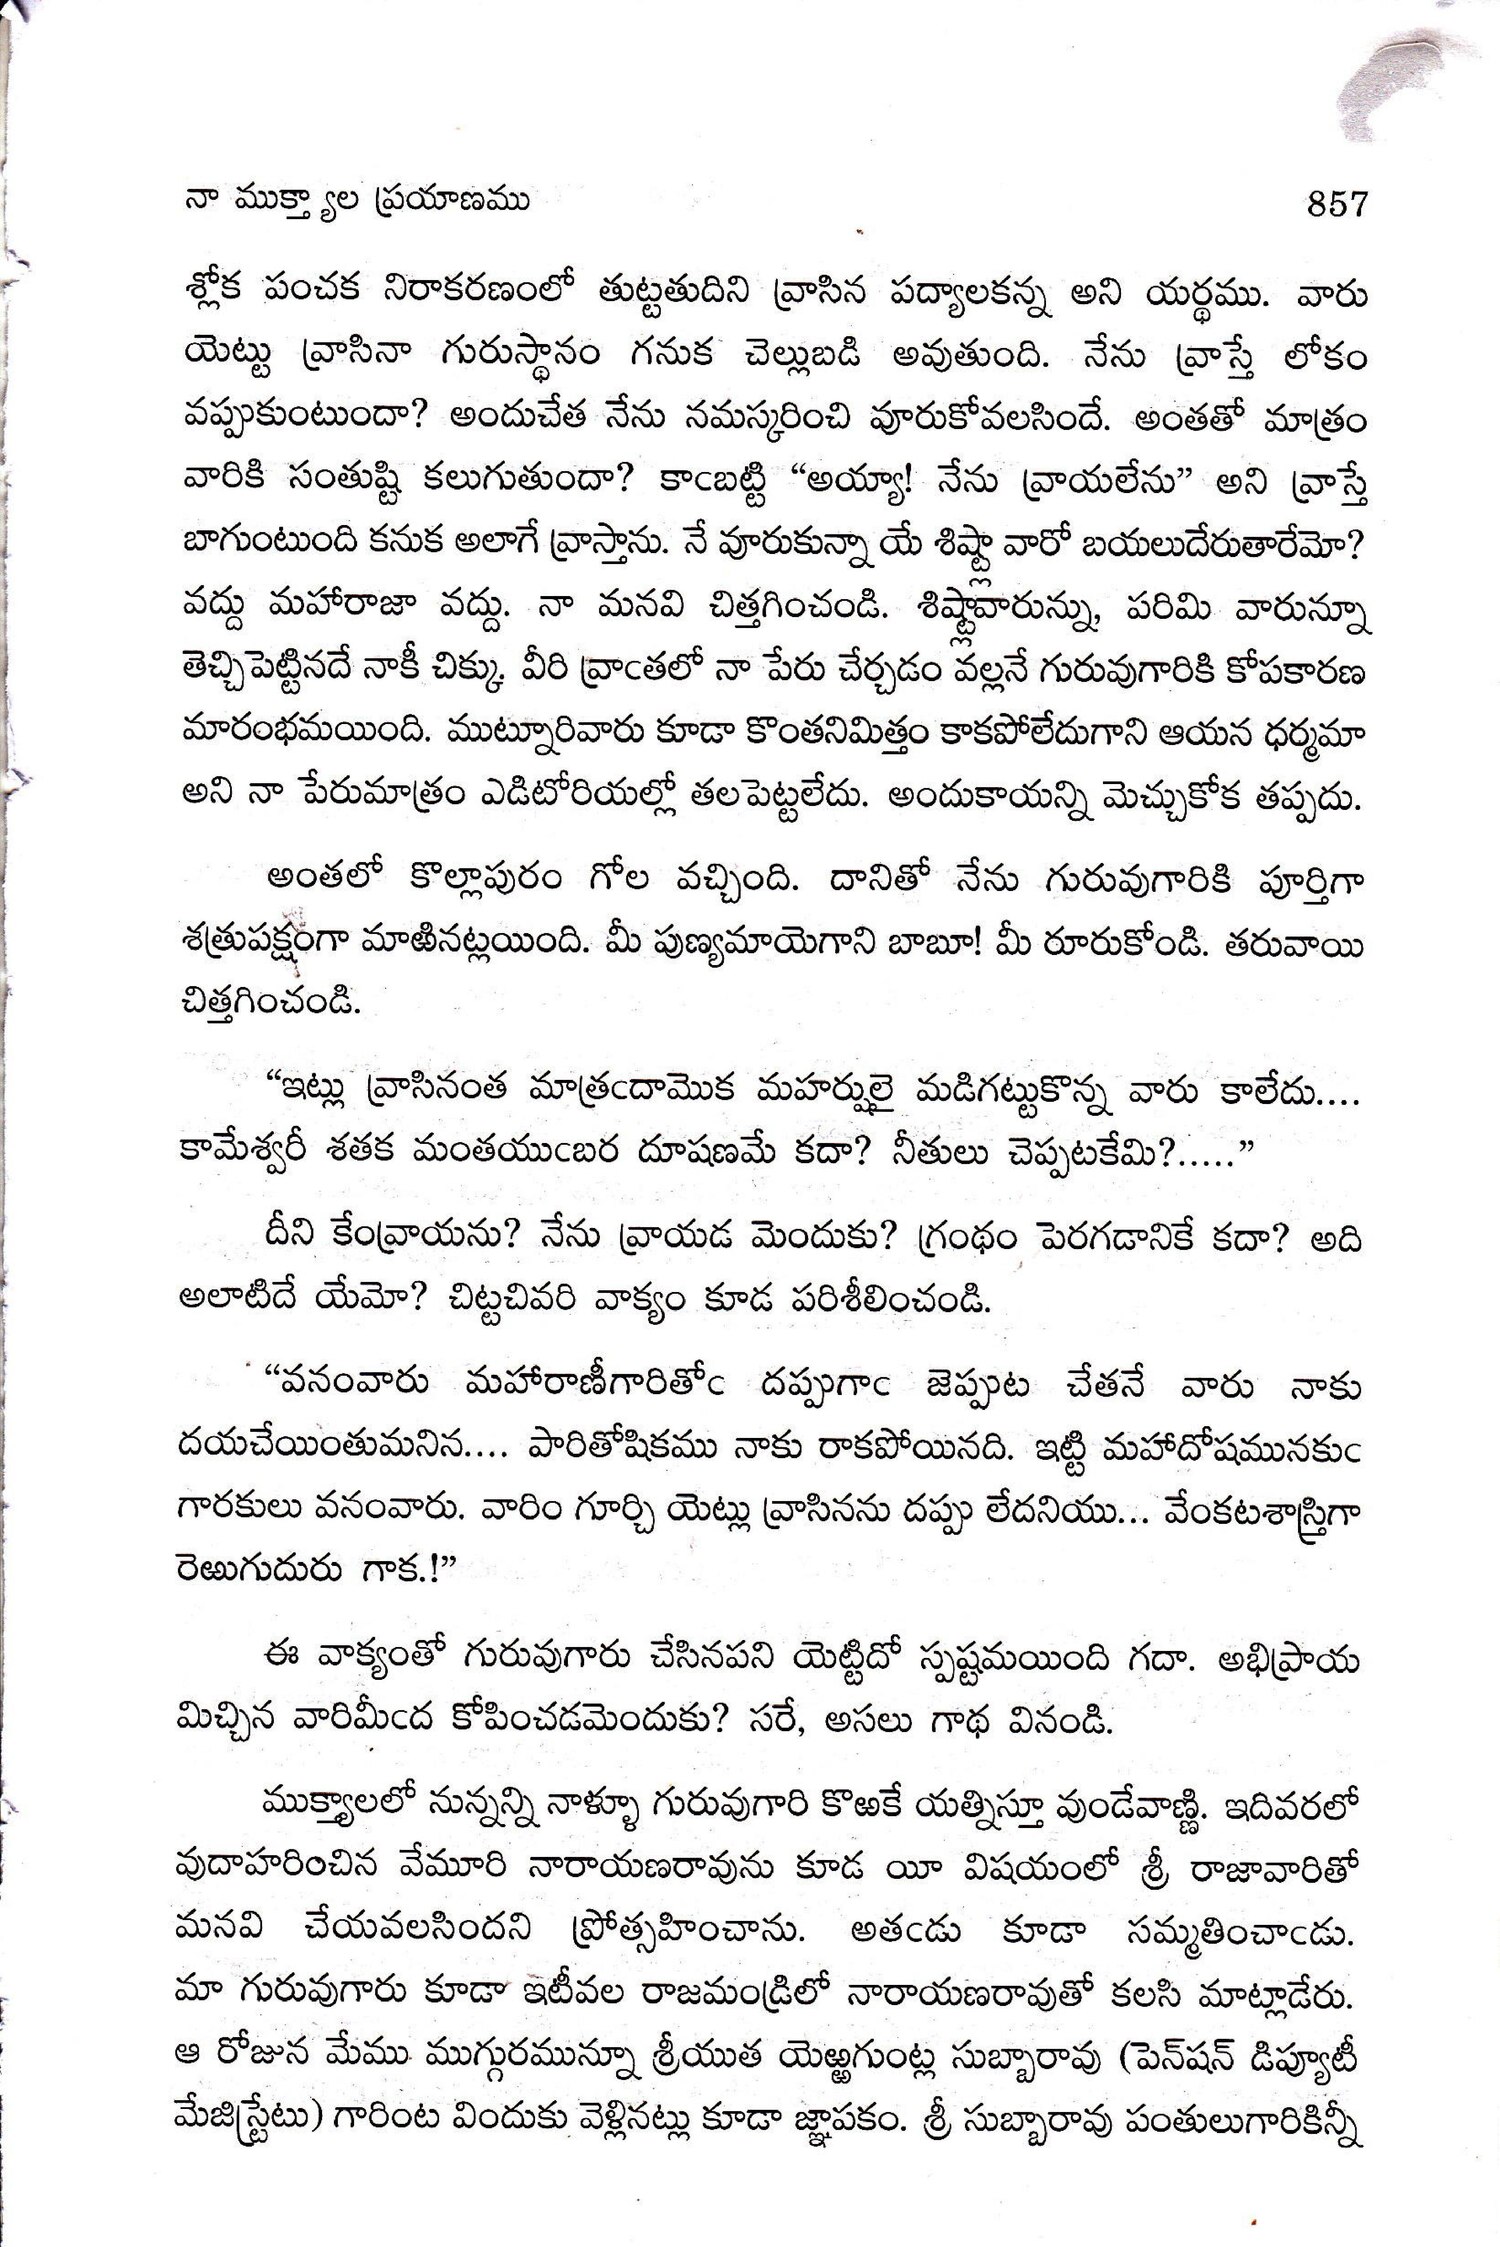శ్లోక పంచక నిరాకరణంలో తుట్టతుదిని వ్రాసిన పద్యాలకన్న అని యర్ధము. వారు యెట్టు వ్రాసినా గురుస్థానం గనుక చెల్లుబడి అవుతుంది. నేను వ్రాస్తే లోకం వప్పుకుంటుందా? అందుచేత నేను నమస్కరించి వూరుకోవలసిందే. అంతతో మాత్రం వారికి సంతుష్టి కలుగుతుందా? కాఁబట్టి "అయ్యా! నేను వ్రాయలేను" అని వ్రాస్తే బాగుంటుంది కనుక అలాగే వ్రాస్తాను. నే వూరుకున్నా యే శిష్టా వారో బయలుదేరుతారేమో? వద్దు మహారాజా వద్దు. నా మనవి చిత్తగించండి. శిష్టావారున్ను పరిమి వారున్నూ తెచ్చిపెట్టినదే నాకీ చిక్కు వీరి వ్రాఁతలో నా పేరు చేర్చడం వల్లనే గురువుగారికి కోపకారణ మారంభమయింది. ముట్నూరివారు కూడా కొంతనిమిత్తం కాకపోలేదుగాని ఆయన ధర్మమా అని నా పేరుమాత్రం ఎడిటోరియల్లో తలపెట్టలేదు. అందుకాయన్ని మెచ్చుకోక తప్పదు.

అంతలో కొల్లాపురం గోల వచ్చింది. దానితో నేను గురువుగారికి పూర్తిగా శత్రుపక్షంగా మాఱినట్లయింది. మీ పుణ్యమాయెగాని బాబూ! మీ రూరుకోండి. తరువాయి చిత్తగించండి. 

"ఇట్లు వ్రాసినంత మాత్రఁదామెుక మహర్షులై మడిగట్టుకొన్న వారు కాలేదు. కామేశ్వరీ శతక మంతయుఁబర దూషణమే కదా? నీతులు చెప్పటకేమి?....."

దీని కేంవ్రాయను? నేను వ్రాయడ మెందుకు? గ్రంథం పెరగడానికే కదా? అది అలాటిదే యేమో? చిట్టచివరి వాక్యం కూడ పరిశీలించండి.

“వనంవారు మహారాణీగారితోc దప్పుగాc జెప్పుట చేతనే వారు నాకు దయచేయింతుమనిన.. పారితోషికము నాకు రాకపోయినది. ఇట్టి మహాదోషమునకుఁ గారకులు వనంవారు. వారిం గూర్చి యెట్లు వ్రాసినను దప్పు లేదనియు. వేంకటశాస్త్రిగా రెఱుగుదురు గాక.!” 

ఈ వాక్యంతో గురువుగారు చేసినపని యెట్టిదో స్పష్టమయింది గదా. అభిప్రాయ మిచ్చిన వారిమీఁద కోపించడమెందుకు? సరే, అసలు గాథ వినండి.

ముక్త్యాలలో నున్నన్ని నాళ్ళూ గురువుగారి కొఱకే యత్నిస్తూ వుండేవాణ్ణి. ఇదివరలో వుదాహరించిన వేమూరి నారాయణరావును కూడ యి విషయంలో శ్రీ రాజావారితో మనవి చేయవలసిందని ప్రోత్సహించాను. అతఁడు కూడా సమ్మతించాఁడు. మా గురువుగారు కూడా ఇటీవల రాజమండ్రిలో నారాయణరావుతో కలసి మాట్లాడేరు. ఆ రోజున మేము ముగ్గురమున్నూ శ్రీయుత యెఱ్ఱగుంట్ల సుబ్బారావు (పెన్‌షన్ డిప్యూటీ మేజిస్ట్రేటు) గారింట విందుకు వెళ్లినట్లు కూడా జ్ఞాపకం. శ్రీ సుబ్బారావు పంతులుగారికిన్నీ